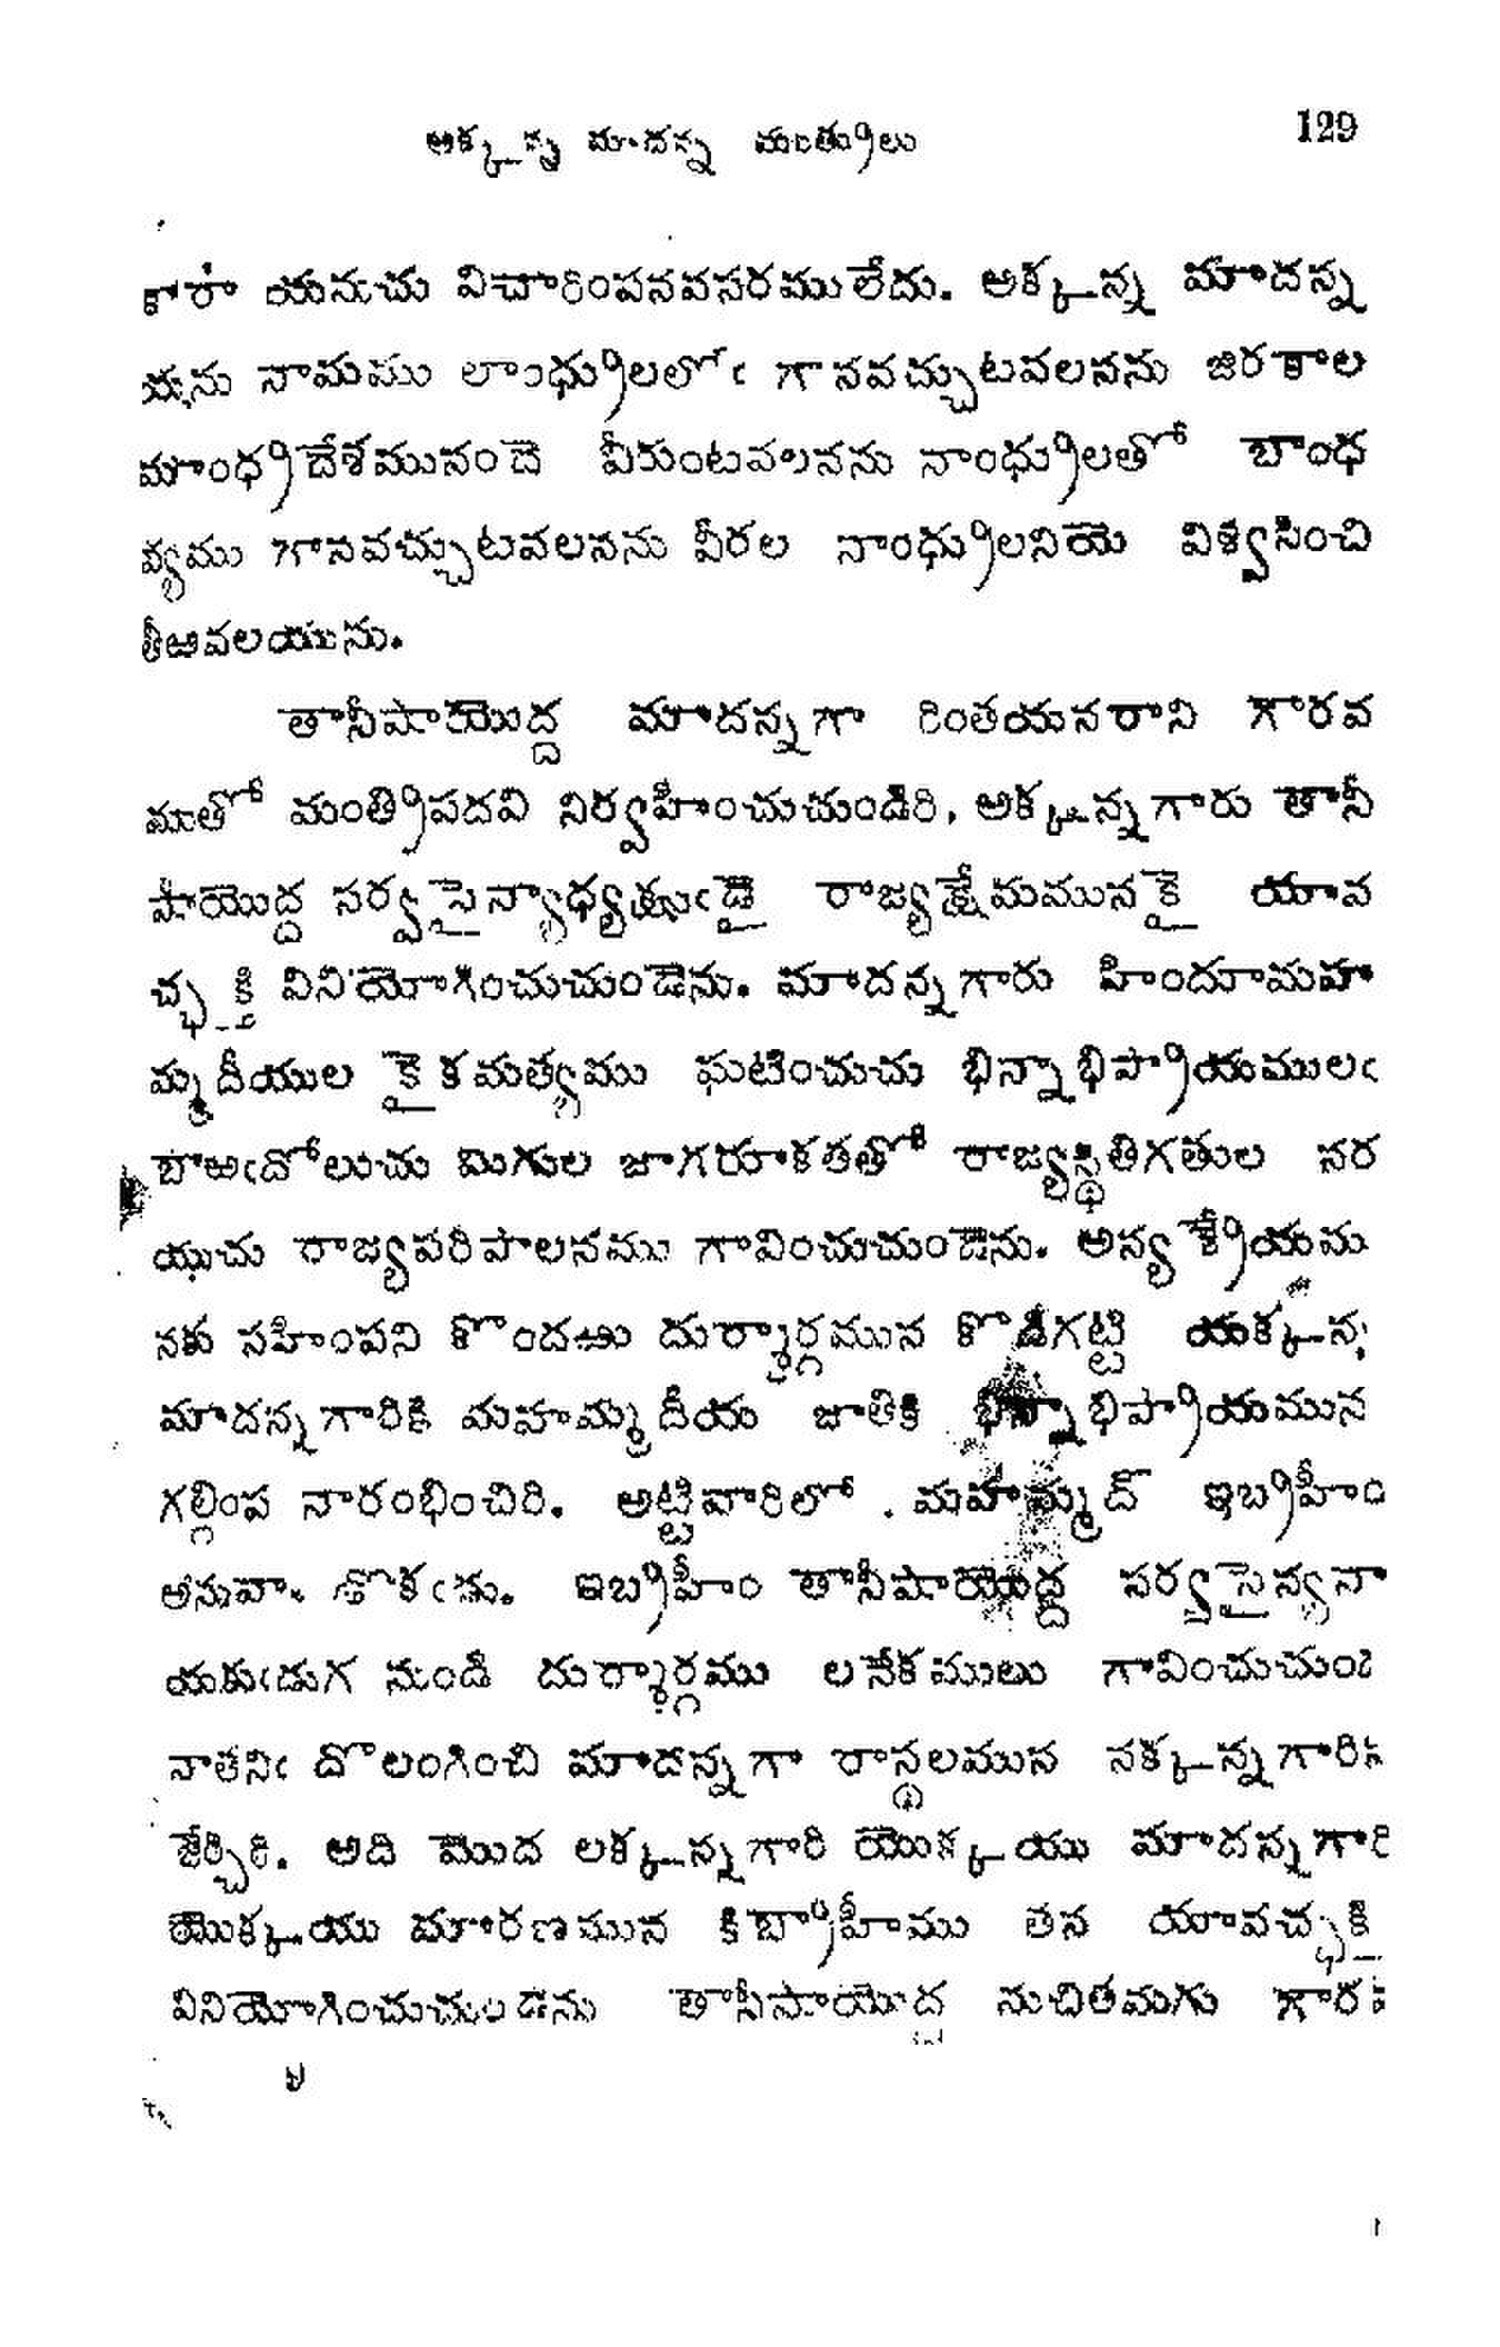కారా యనుచు విచారింపనవసరములేదు. అక్కన్న మాదన్నయను నామము లాంధ్రులలో గానవచ్చుటవలనను జిరకాల మాంధ్రదేశమునందె వీరుంటవలనను నాంధ్రులతో బాంధవ్యము గానవచ్చుటవలనను వీరల నాంధ్రులనియె విశ్వసించి తీఱవలయును.

తానీషాయొద్ద మాదన్నగా రింతయనరాని గౌరవముతో మంత్రిపదవి నిర్వహించుచుండిరి. అక్కన్నగారు తానీషాయొద్ద సర్వసైన్యాధ్యక్షుడై రాజ్యక్షేమమునకై యావచ్ఛక్తి వినియోగించుచుండెను. మాదన్నగారు హిందూమహమ్మదీయుల కైకమత్యము ఘటించుచు భిన్నాభిప్రాయముల బాఱదోలుచు మిగుల జాగరూకతతో రాజ్యస్థితిగతుల నరయుచు రాజ్యపరిపాలనము గావించుచుండెను. అన్యశ్రేయసునకు సహింపని కొందఱు దుర్మార్గమున కొడిగట్టి యక్కన్న మాదన్నగారికి మహమ్మదీయ జాతికి భిన్నాభిప్రాయమును గల్గింప నారంభించిరి. అట్టివారిలో మహమ్మద్ ఇబ్రహీం అనువా డొకడు. ఇబ్రహీం తానిషాయొద్ద సర్వసైన్యనాయకుడుగ నుండి దుర్మార్గము లనేకములు గావించుచుండె. నాతని దొలంగించి మాదన్నగా రాస్థలమున నక్కన్నగారిని జేర్చిరి. అది మొద లక్కన్నగారి యొక్కయు మాదన్నగారి యొక్కయు మారణమున కిబ్రహీము తన యావచ్ఛక్తి వినియోగించుచుండెను. తానీషాయొద్ద నిచితమగు గౌరవ